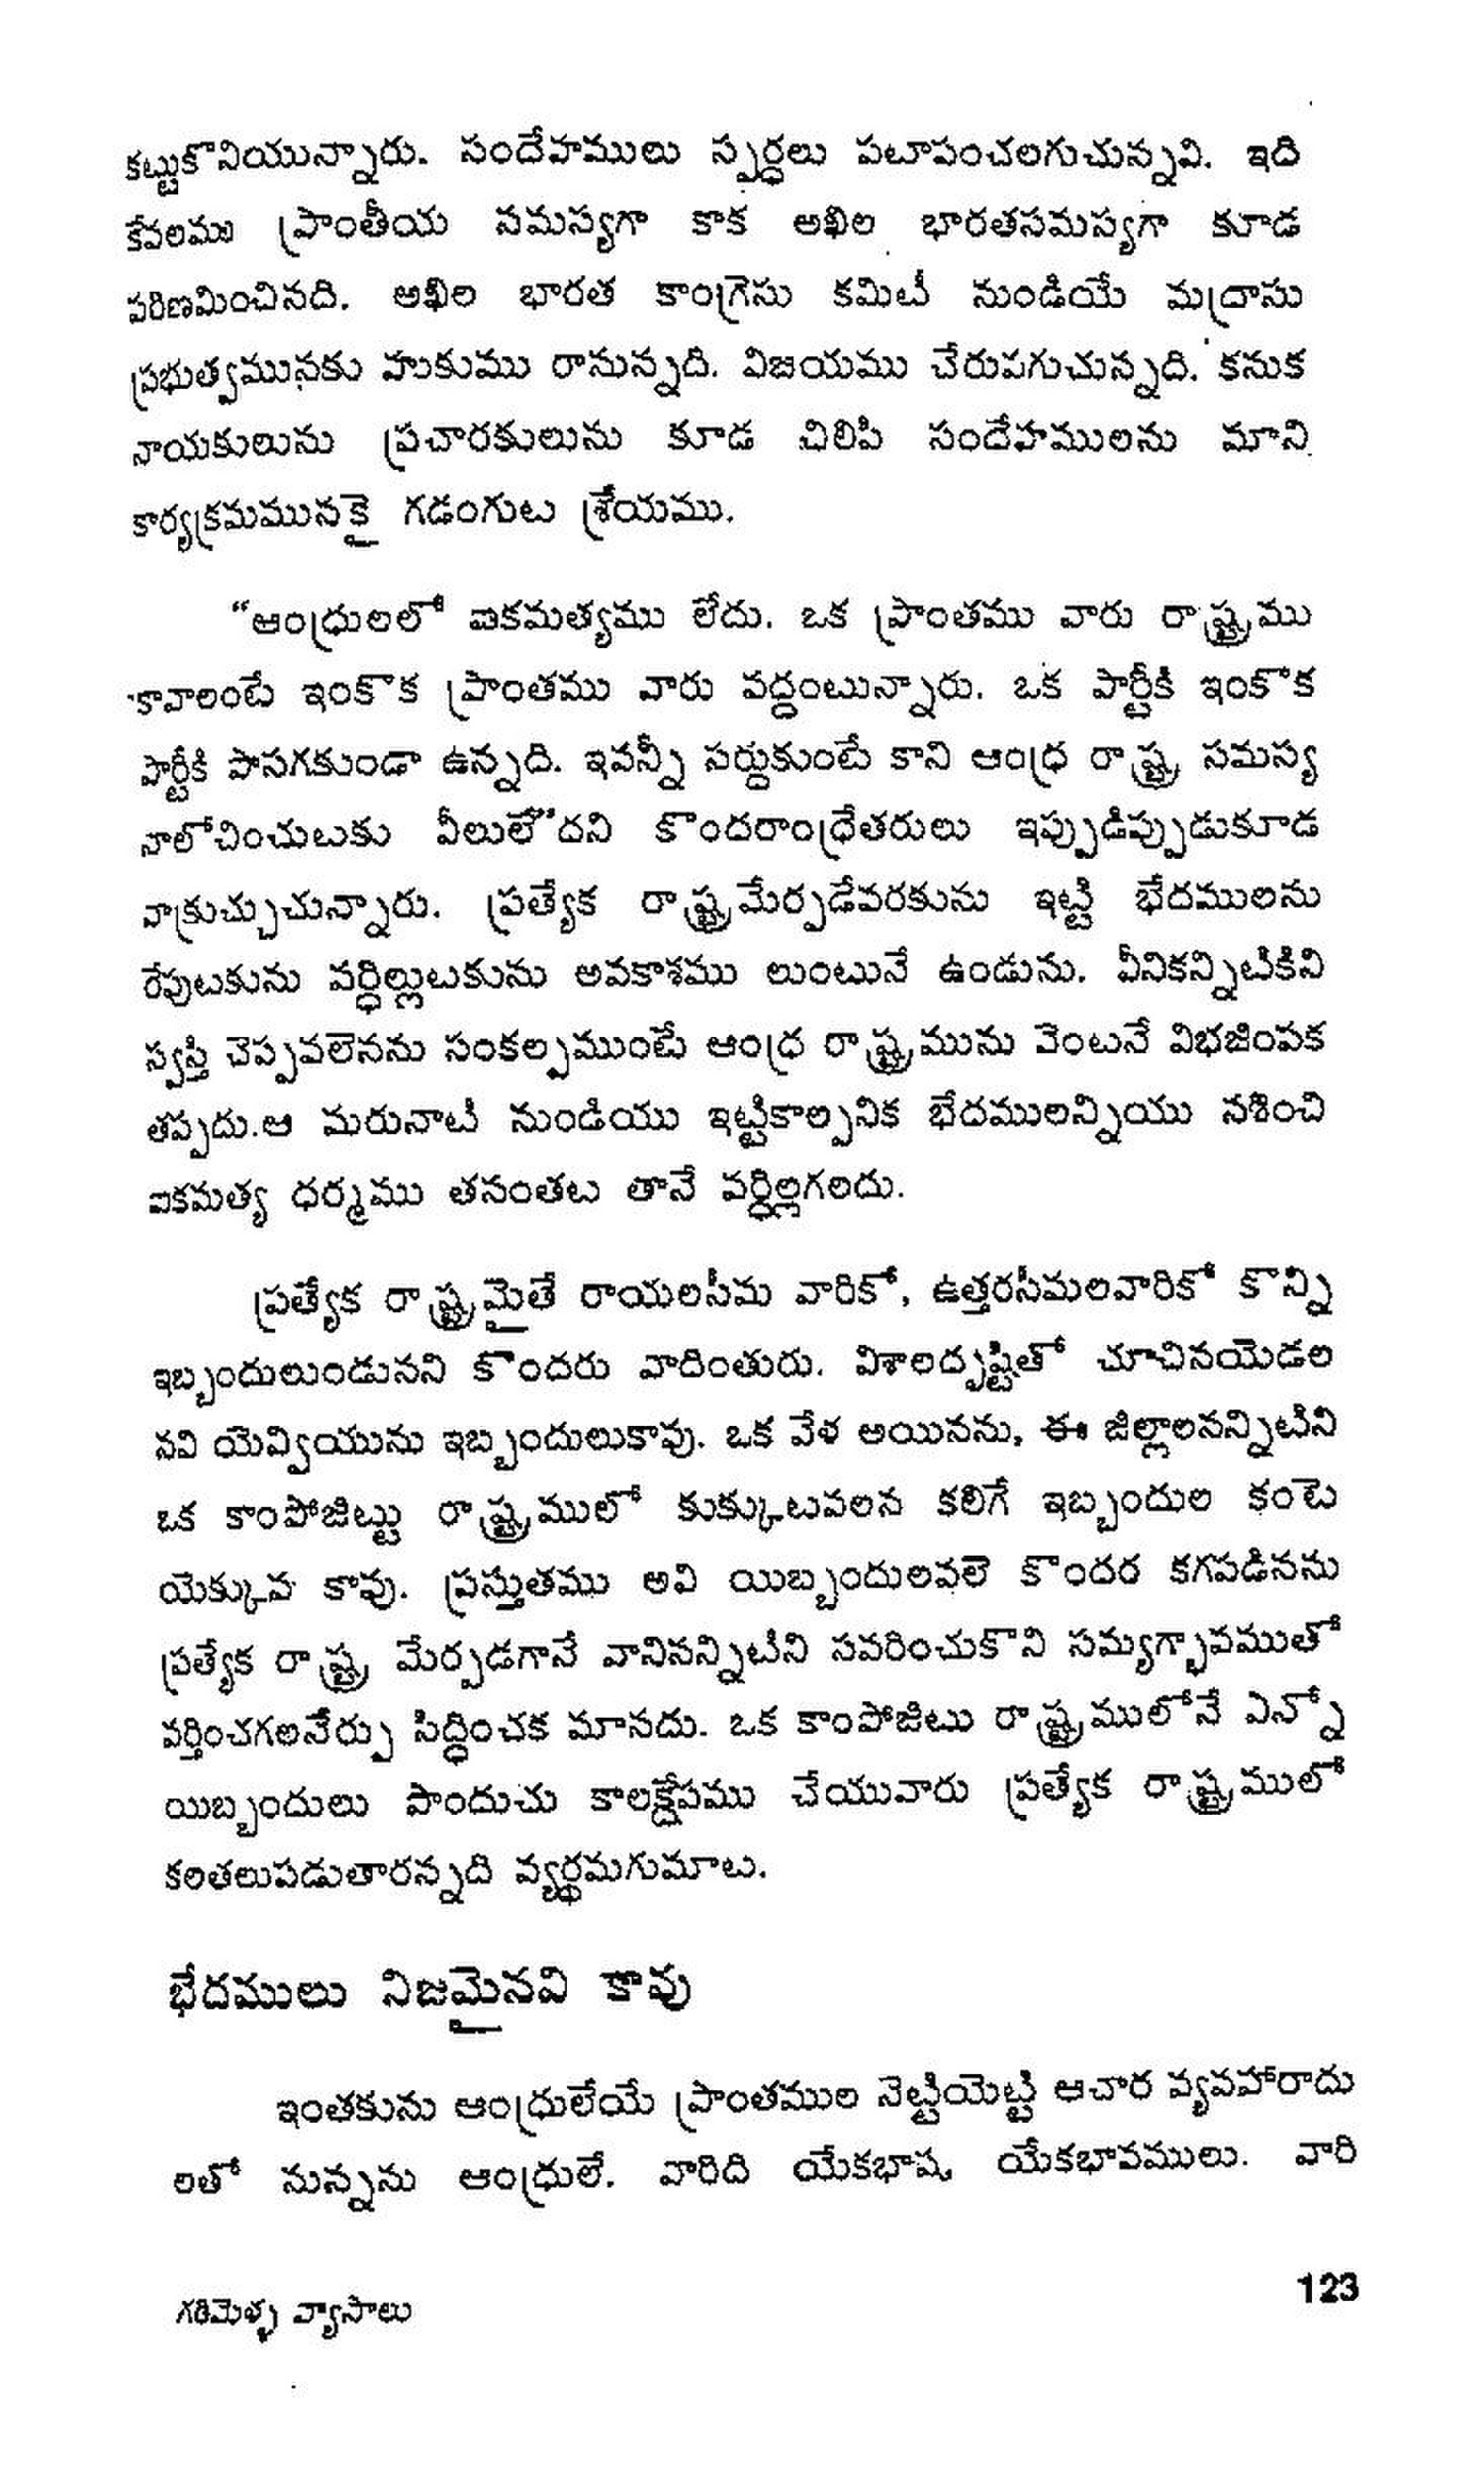కట్టుకొనియున్నారు. సందేహములు స్పర్థలు పటాపంచలగుచున్నవి. ఇది కేవలము ప్రాంతీయ సమస్యగా కాక అఖిల భారతసమస్యగా కూడ పరిణమించినది. అఖిల భారత కాంగ్రెసు కమిటీ నుండియే మద్రాసు ప్రభుత్వమునకు హుకుము రానున్నది. విజయము చేరువగుదున్నది. కనుక నాయకులును ప్రచారకులును కూడ చిలిపి సందేహములను మాని కార్యక్రమమునకై గడంగుట శ్రేయము.

"ఆంధ్రులలో ఐకమత్యము లేదు. ఒక ప్రాంతము వారు రాష్ట్రము కావాలంటే ఇంకొక ప్రాంతమువారు వద్దంటున్నారు. ఒక పార్టీకి ఇంకొక పార్టీకి పొసగకుండా ఉన్నది. ఇవన్నీ సర్దుకుంటే కాని ఆంధ్ర రాష్ట్ర సమస్య నాలోచించుటకు వీలులే"దని కొందరాంధ్రేతరులు ఇప్పుడిప్పుడుకూడ వాక్రుచ్చుచున్నారు. ప్రత్యేక రాష్ట్రమేర్పడేవరకును ఇట్టి భేదములను రేపుటకును వర్ధిల్లుటకును అవకాశము లుంటునే ఉండును. వీనికన్నిటికిని స్వస్తి చెప్పవలెనను సంకల్పముంటే ఆంధ్ర రాష్ట్రమును వెంటనే విభజింపక తప్పదు. ఆ మరునాటి నుండియు ఇట్టికాల్పనిక భేదములన్నియు నశించి ఐకమత్య ధర్మము తనంతట తానే వర్ధిల్లగలదు.

ప్రత్యేక రాష్ట్రమైతే రాయలసీమ వారికో, ఉత్తరసీమలవారికో కొన్ని ఇబ్బందులుండునని కొందరు వాదింతురు. విశాలదృష్టితో చూచినయెడల నవి యెవ్వియును ఇబ్బందులుకావు. ఒక వేళ అయినను , ఈ జిల్లాలనన్నిటిని ఒక కాంపోజిట్టు రాష్ట్రములో కుక్కుటవలన కలిగే ఇబ్బందుల కంటె యెక్కువ కావు. ప్రస్తుతము అవి యిబ్బందులవలె కొందర కగపడినను ప్రత్యేక రాష్ట్ర మేర్పడగానే వానినన్నిటిని సవరించుకొని సమ్యగ్భావముతో వర్తించగలనేర్పు సిద్ధించక మానదు. ఒక కాంపోజిటు రాష్ట్రములోనే ఎన్నో యిబ్బందులు పొందుచు కాలక్షేపము చేయువారు ప్రత్యేక రాష్ట్రములో కలతలుపడుతారన్నది వ్యర్థమగుమాట.

భేదములు నిజమైనవి కావు
 
ఇంతకును ఆంధ్రులేయే ప్రాంతముల నెట్టియెట్టి ఆచార వ్యవహరాదులతో నున్నను ఆంధ్రులే. వారిది యేకభాష, యేకభావములు వారి